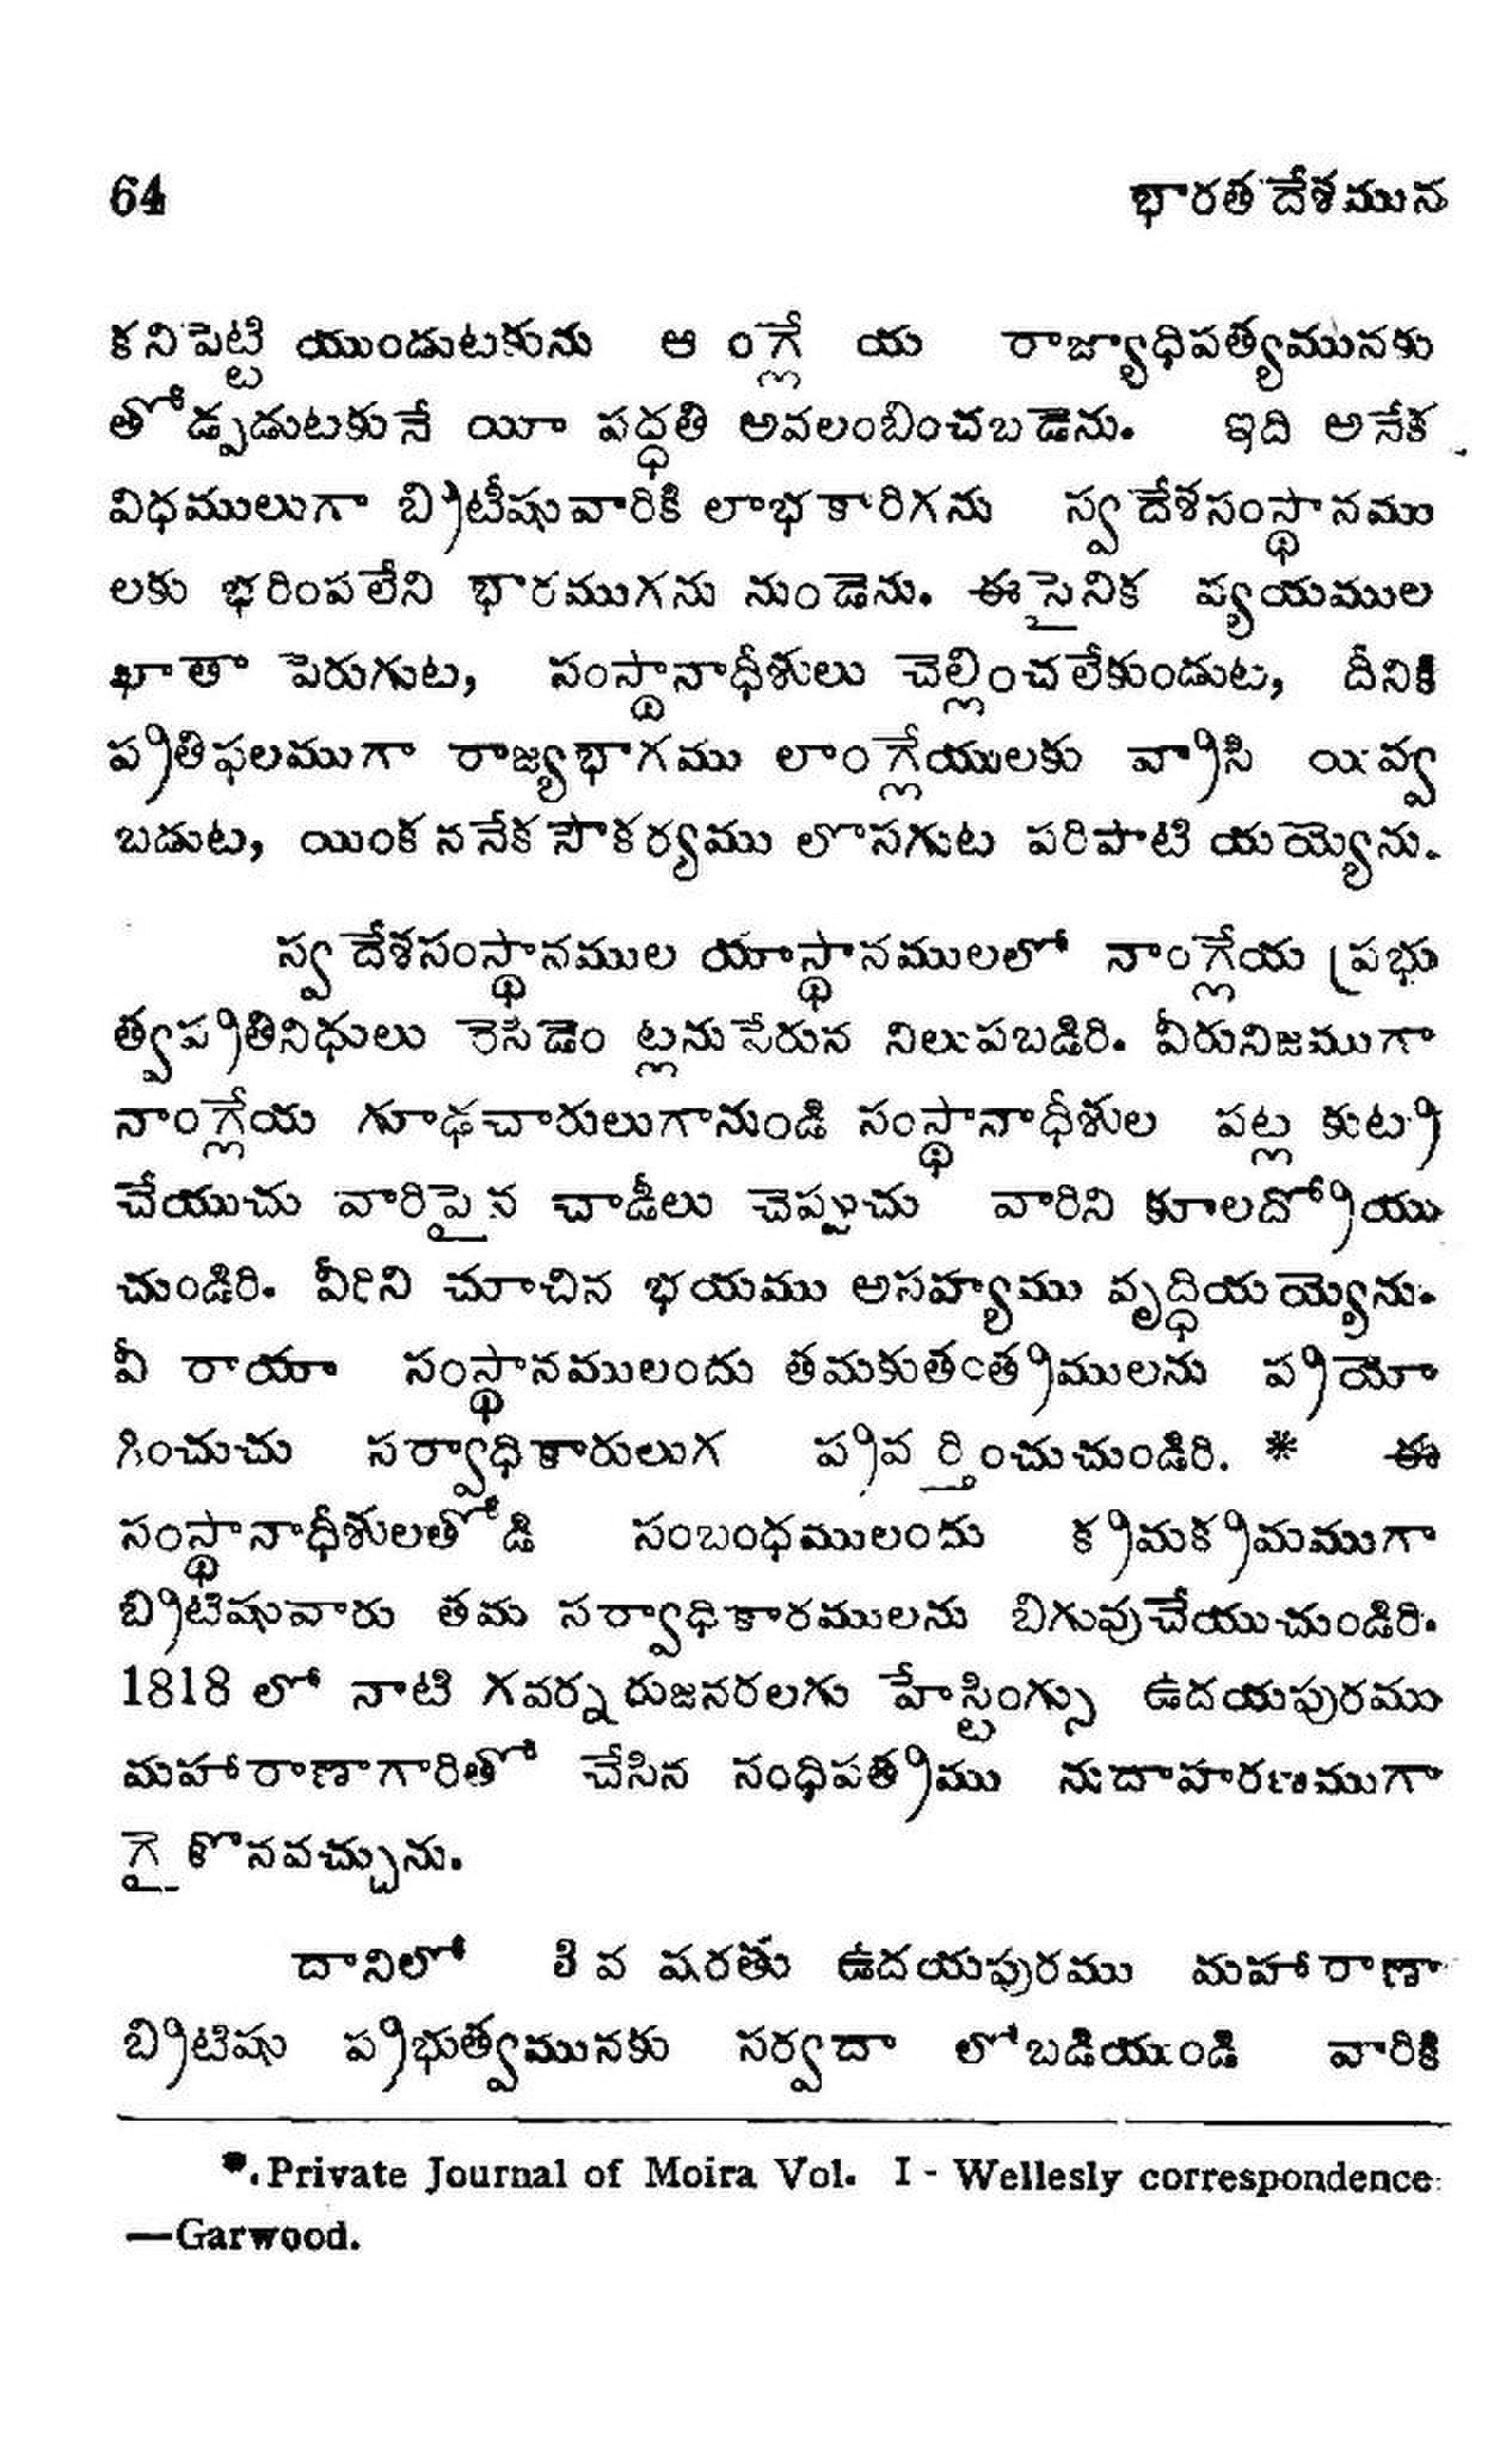కనిపెట్టి యుండుటకును ఆంగ్లే య రాజ్యాధిపత్యమునకు తోడ్పడుటకునే యీ పద్ధతి అవలంబించబడెను. ఇది అనేక విధములుగా బిటీషువారికి లాభకారిగను స్వదేశసంస్థానములకు భరింపలేని భారముగను నుండెను. ఈ సైనిక వ్యయముల ఖాతా పెరుగుట, సంస్థానాధీశులు చెల్లించలేకుండుట, దీనికి ప్రతిఫలముగా రాజ్యభాగము లాంగ్లేయులకు వ్రాసి యివ్వబడుట, యింకననేకసౌకర్యము లొసగుట పరిపాటి యయ్యెను.

స్వదేశసంస్థానముల యాస్థానములలో నాంగ్లేయ ప్రభుత్వప్రతినిధులు రెసిడెంట్లనుపేరున నిలుపబడిరి. వీరునిజముగా నాంగ్లేయ గూఢచారులుగానుండి సంస్థానాధీశుల పట్ల కుట్రచేయుచు వారిపైన చాడీలు చెప్పుచు వారిని కూలద్రోయు చుండిరి. వీరిని చూచిన భయము అసహ్యము వృద్ధియయ్యెను. వీ రాయా సంస్థానములందు తమకుతంత్రములను ప్రయోగించుచు సర్వాధికారులుగ ప్రవర్తించుచుండిరి. ఈ సంస్థానాధీశులతోడి సంబంధములందు క్రమక్రమముగా బ్రిటిషువారు తమ సర్వాధికారములను బిగువుచేయుచుండిరి. 1818 లో నాటి గవర్నరుజనరలగు హేస్టింగ్సు ఉదయపురము మహారాణాగారితో చేసిన సంధిపత్రము నుదాహరణముగా గైకొనవచ్చును.

దానిలో 3వ షరతు ఉదయపురము మహారాణా బ్రిటిషు ప్రభుత్వమునకు సర్వదా లోబడియుండి వారికి